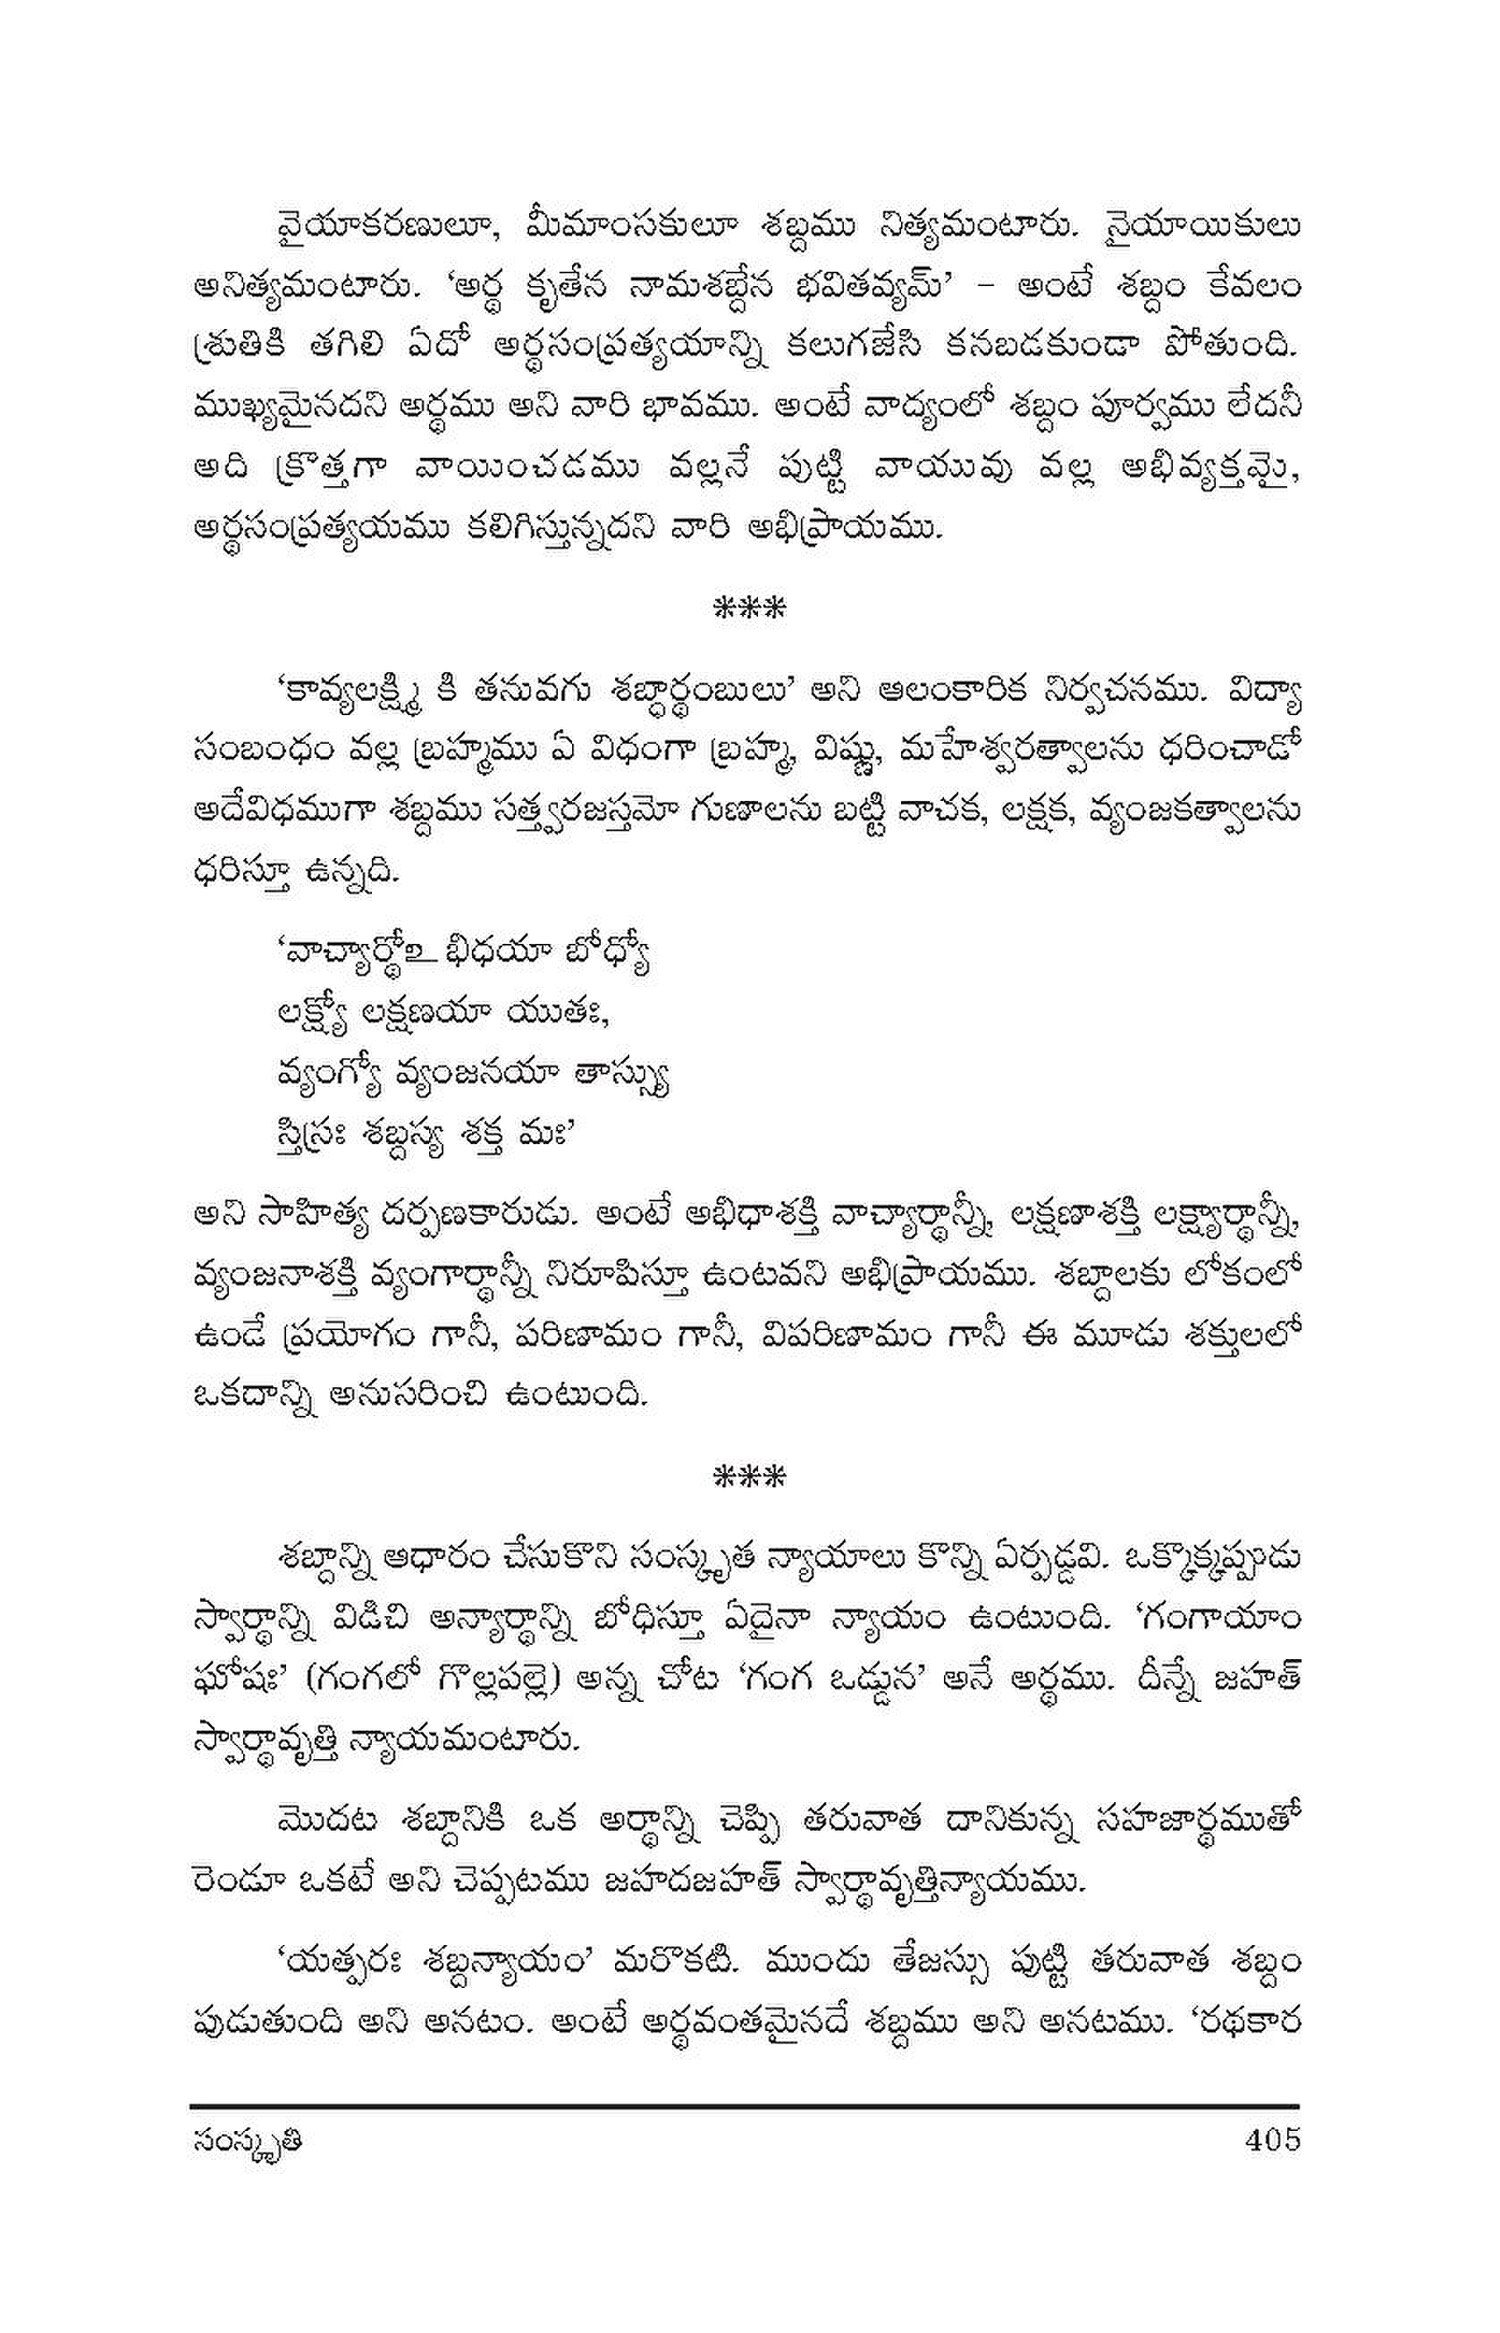వైయాకరణులూ, మీమాంసకులూ శబ్దము నిత్యమంటారు. నైయాయికులు
అనిత్యమంటారు. 'అర్థ కృతేన నామశబ్దేన భవితవ్యమ్' అంటే శబ్దం కేవలం
శ్రుతికి తగిలి ఏదో అర్థసంప్రత్యయాన్ని కలుగజేసి కనబడకుండా పోతుంది.
ముఖ్యమైనదని అర్థము అని వారి భావము. అంటే వాద్యంలో శబ్దం పూర్వము లేదనీ
అది క్రొత్తగా వాయించడము వల్లనే పుట్టి వాయువు వల్ల అభివ్యక్తమై,
అర్థసంప్రత్యయము కలిగిస్తున్నదని వారి అభిప్రాయము.

'కావ్యలక్ష్మి కి తనువగు శబ్దార్థంబులు' అని ఆలంకారిక నిర్వచనము. విద్యా
సంబంధం వల్ల బ్రహ్మము ఏ విధంగా బ్రహ్మ, విష్ణు, మహేశ్వరత్వాలను ధరించాడో
అదేవిధముగా శబ్దము సత్త్వరజస్తమో గుణాలను బట్టి వాచక, లక్షక, వ్యంజకత్వాలను
ధరిస్తూ ఉన్నది.

'వాచ్యార్థో భిధయా బోధ్యో
లక్ష్యో లక్షణయా యుతః,
వ్యంగ్యో వ్యంజనయా తాస్స్యు
స్తిస్రః శబ్దస్య శక్తి మః'

అని సాహిత్య దర్పణకారుడు. అంటే అభిధాశక్తి వాచ్యార్థాన్నీ, లక్షణాశక్తి లక్ష్యార్థాన్నీ,
వ్యంజనాశక్తి వ్యంగార్థాన్నీ నిరూపిస్తూ ఉంటవని అభిప్రాయము. శబ్దాలకు లోకంలో
ఉండే ప్రయోగం గానీ, పరిణామం గానీ, విపరిణామం గానీ ఈ మూడు శక్తులలో
ఒకదాన్ని అనుసరించి ఉంటుంది.

శబ్దాన్ని ఆధారం చేసుకొని సంస్కృత న్యాయాలు కొన్ని ఏర్పడ్డవి. ఒక్కొక్కప్పుడు
స్వార్థాన్ని విడిచి అన్యార్థాన్ని బోధిస్తూ ఏదైనా న్యాయం ఉంటుంది. 'గంగాయాం
ఘోషః' (గంగలో గొల్లపల్లె) అన్న చోట 'గంగ ఒడ్డున' అనే అర్థము. దీన్నే జహత్
స్వార్థావృత్తి న్యాయమంటారు.

మొదట శబ్దానికి ఒక అర్థాన్ని చెప్పి తరువాత దానికున్న సహజార్థముతో
రెండూ ఒకటే అని చెప్పటము జహదజహత్ స్వార్థావృత్తిన్యాయము.

'యత్పరః శబ్దన్యాయం' మరొకటి. ముందు తేజస్సు పుట్టి తరువాత శబ్దం
పుడుతుంది అని అనటం. అంటే అర్థవంతమైనదే శబ్దము అని అనటము. 'రథకార